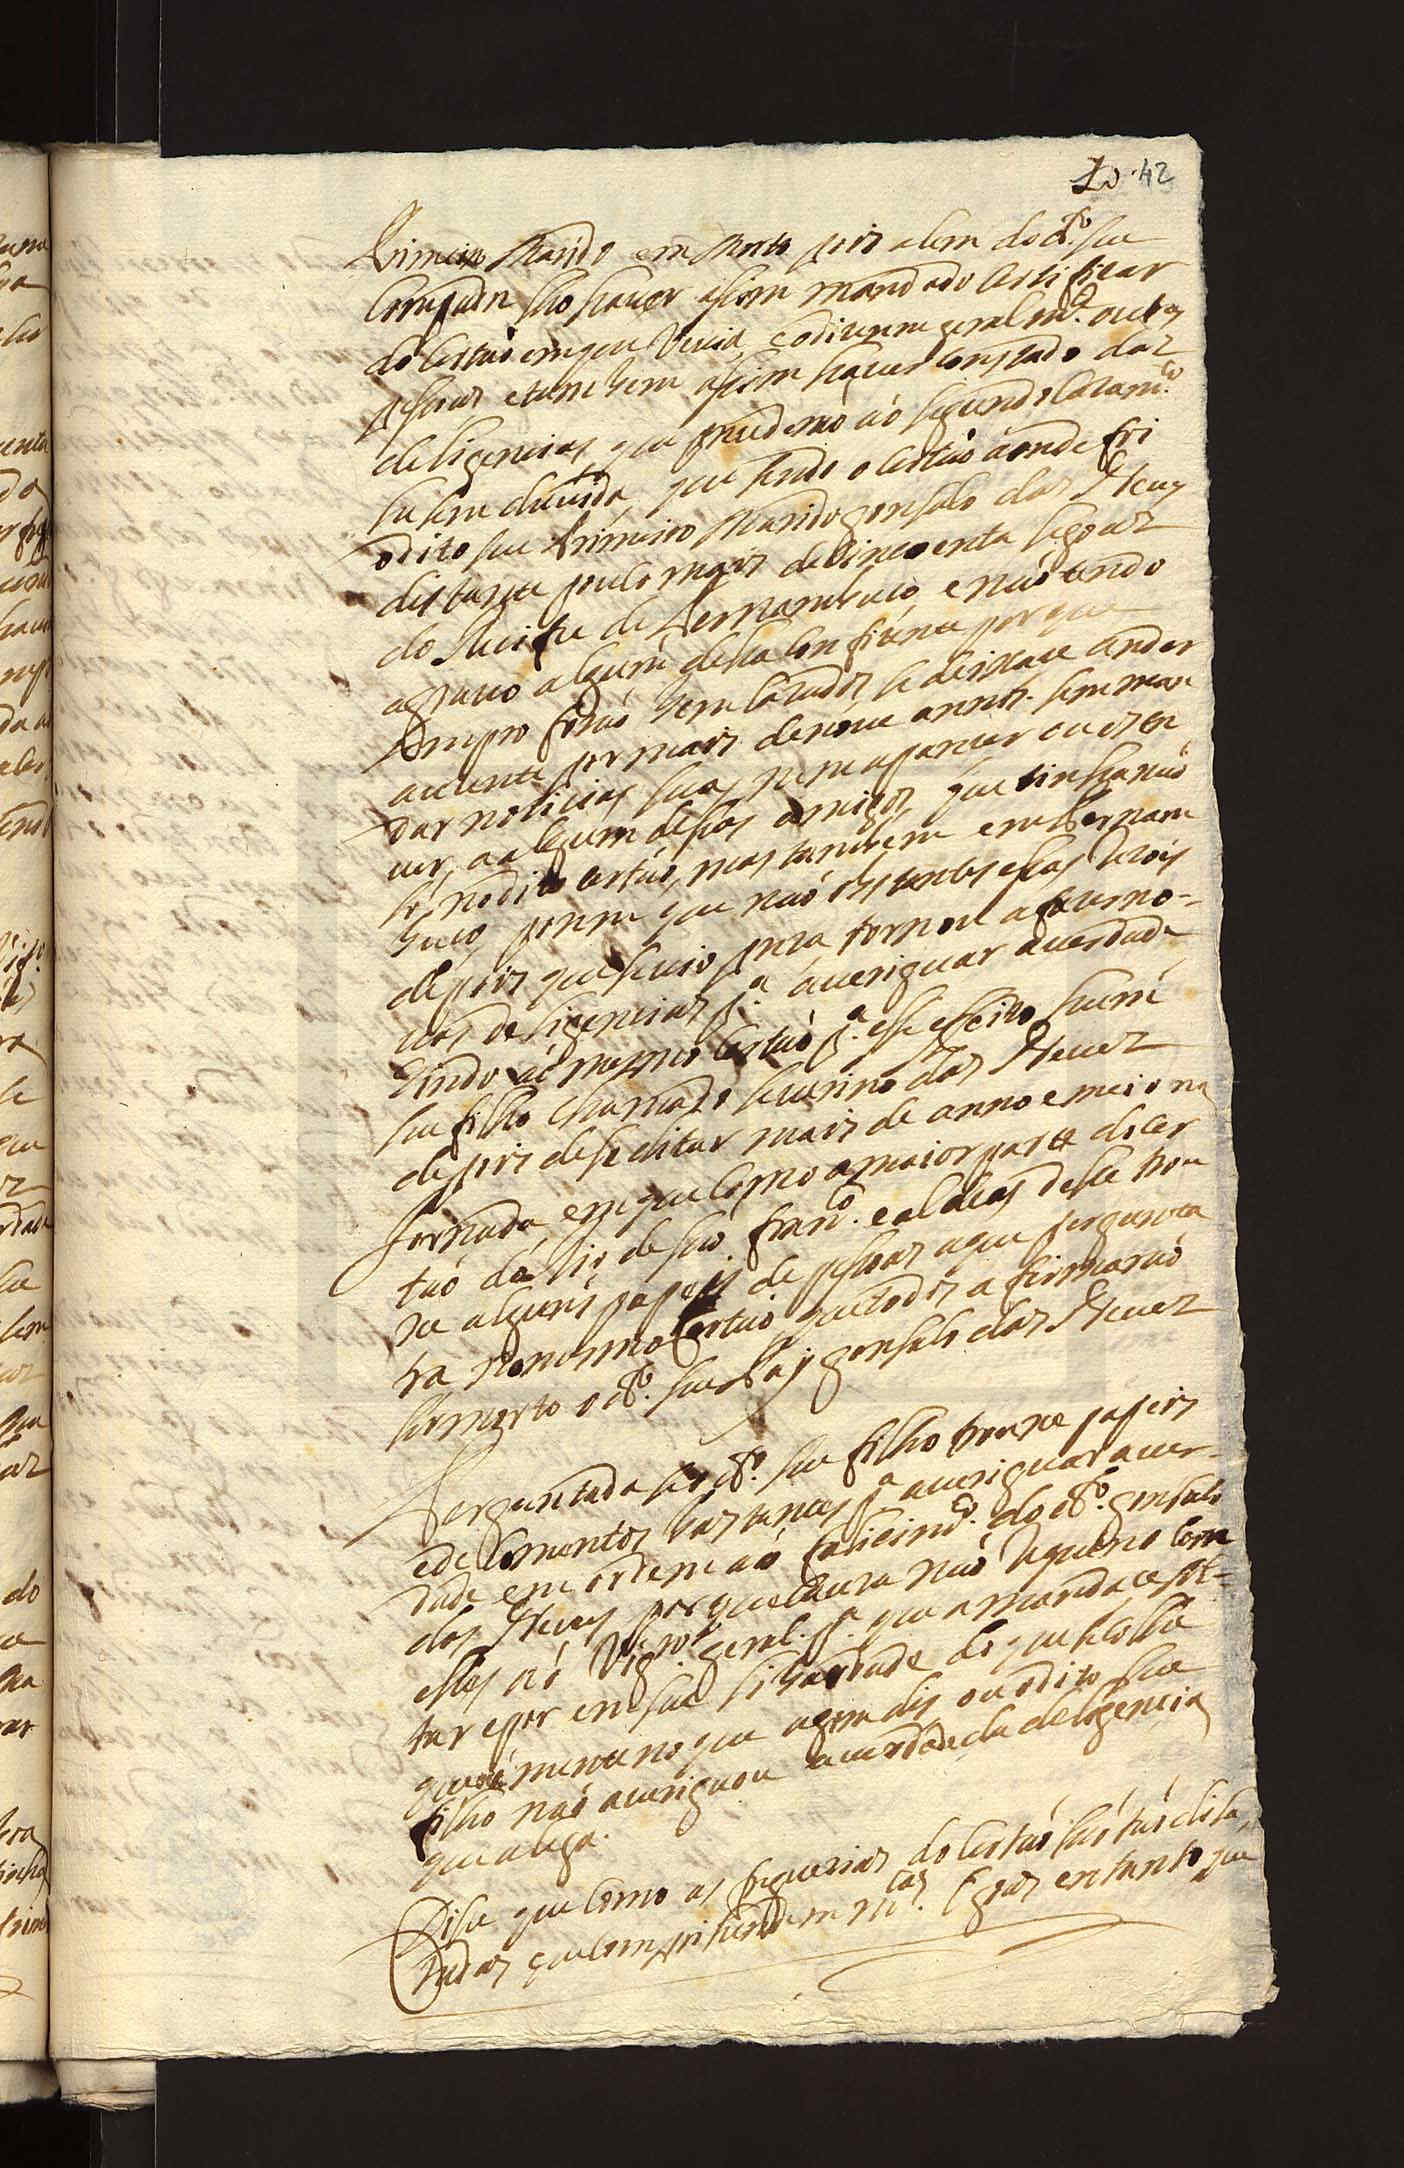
Primeiro Marido era Morto pois alem do d̄.o seu
Compadre lho hauer assim mandado certificar
do Certaõ em que Viuia, e o dizerem geralm.te outras
pessoas, e tambem assim hauer constado dar
deligencias que precederaõ ao segundo Cazam.to
he sem duuida, que sendo ocasiaõ aonde foi
o dito seu Primeiro Marido gonsalo das Neues
distante pouco mais de sincoenta legoaz
do Recife de Pernambuco, e naõ tendo
agrauo algum̄ della confitente porque
Sempre foraõ hora Cazados se deixace andar
auzente por mais de noue annos. sem mais
dar noticias suas nem aparecer ou escre
uer, a algum desses amigos que tinha não
Ir no dito certão, mas tambem em Pernam
buco, porem que naõ obstantes essas Rezois
depois que se uio preza, tornou a fazer no
uas deligencias p.a aueriguar a uerdade
hindo ao mesmo certaõ p.a esse effeito hum̄
seu filho chamado Seuerino das Neuez
depois de se ditar mais de anno e meio na
Jornada, em que como a maior parte do cer
taõ dahi de sao fran.co e aldeas desse trou
xe alguns̄ papeis de pessoas a que pergunta
ra no mesmo Certaõ, que todos afirmaraõ
ser morto o d.o seu Pay gonsalo das Neuez
Perguntada se o d.o seo filho trouxe papeis
e de Comentos bastantes p.a aueriguar a uer
dade em ordem ao falicim.to do d.o gonsalo
das Neues por que cauza naõ requereo com
elles ao Vigro. geral pa. que a mandace sol
tar e por em sua liberdade do que se colhe
que somente no que agora dis ou o dito seu
filho naõ aueriguou a uerdade da deligencia
que alega.
Disse que como as freguezias do Certaõ saõ taõ dila
tadas que comprihendem m.tas legoas en tanto que
